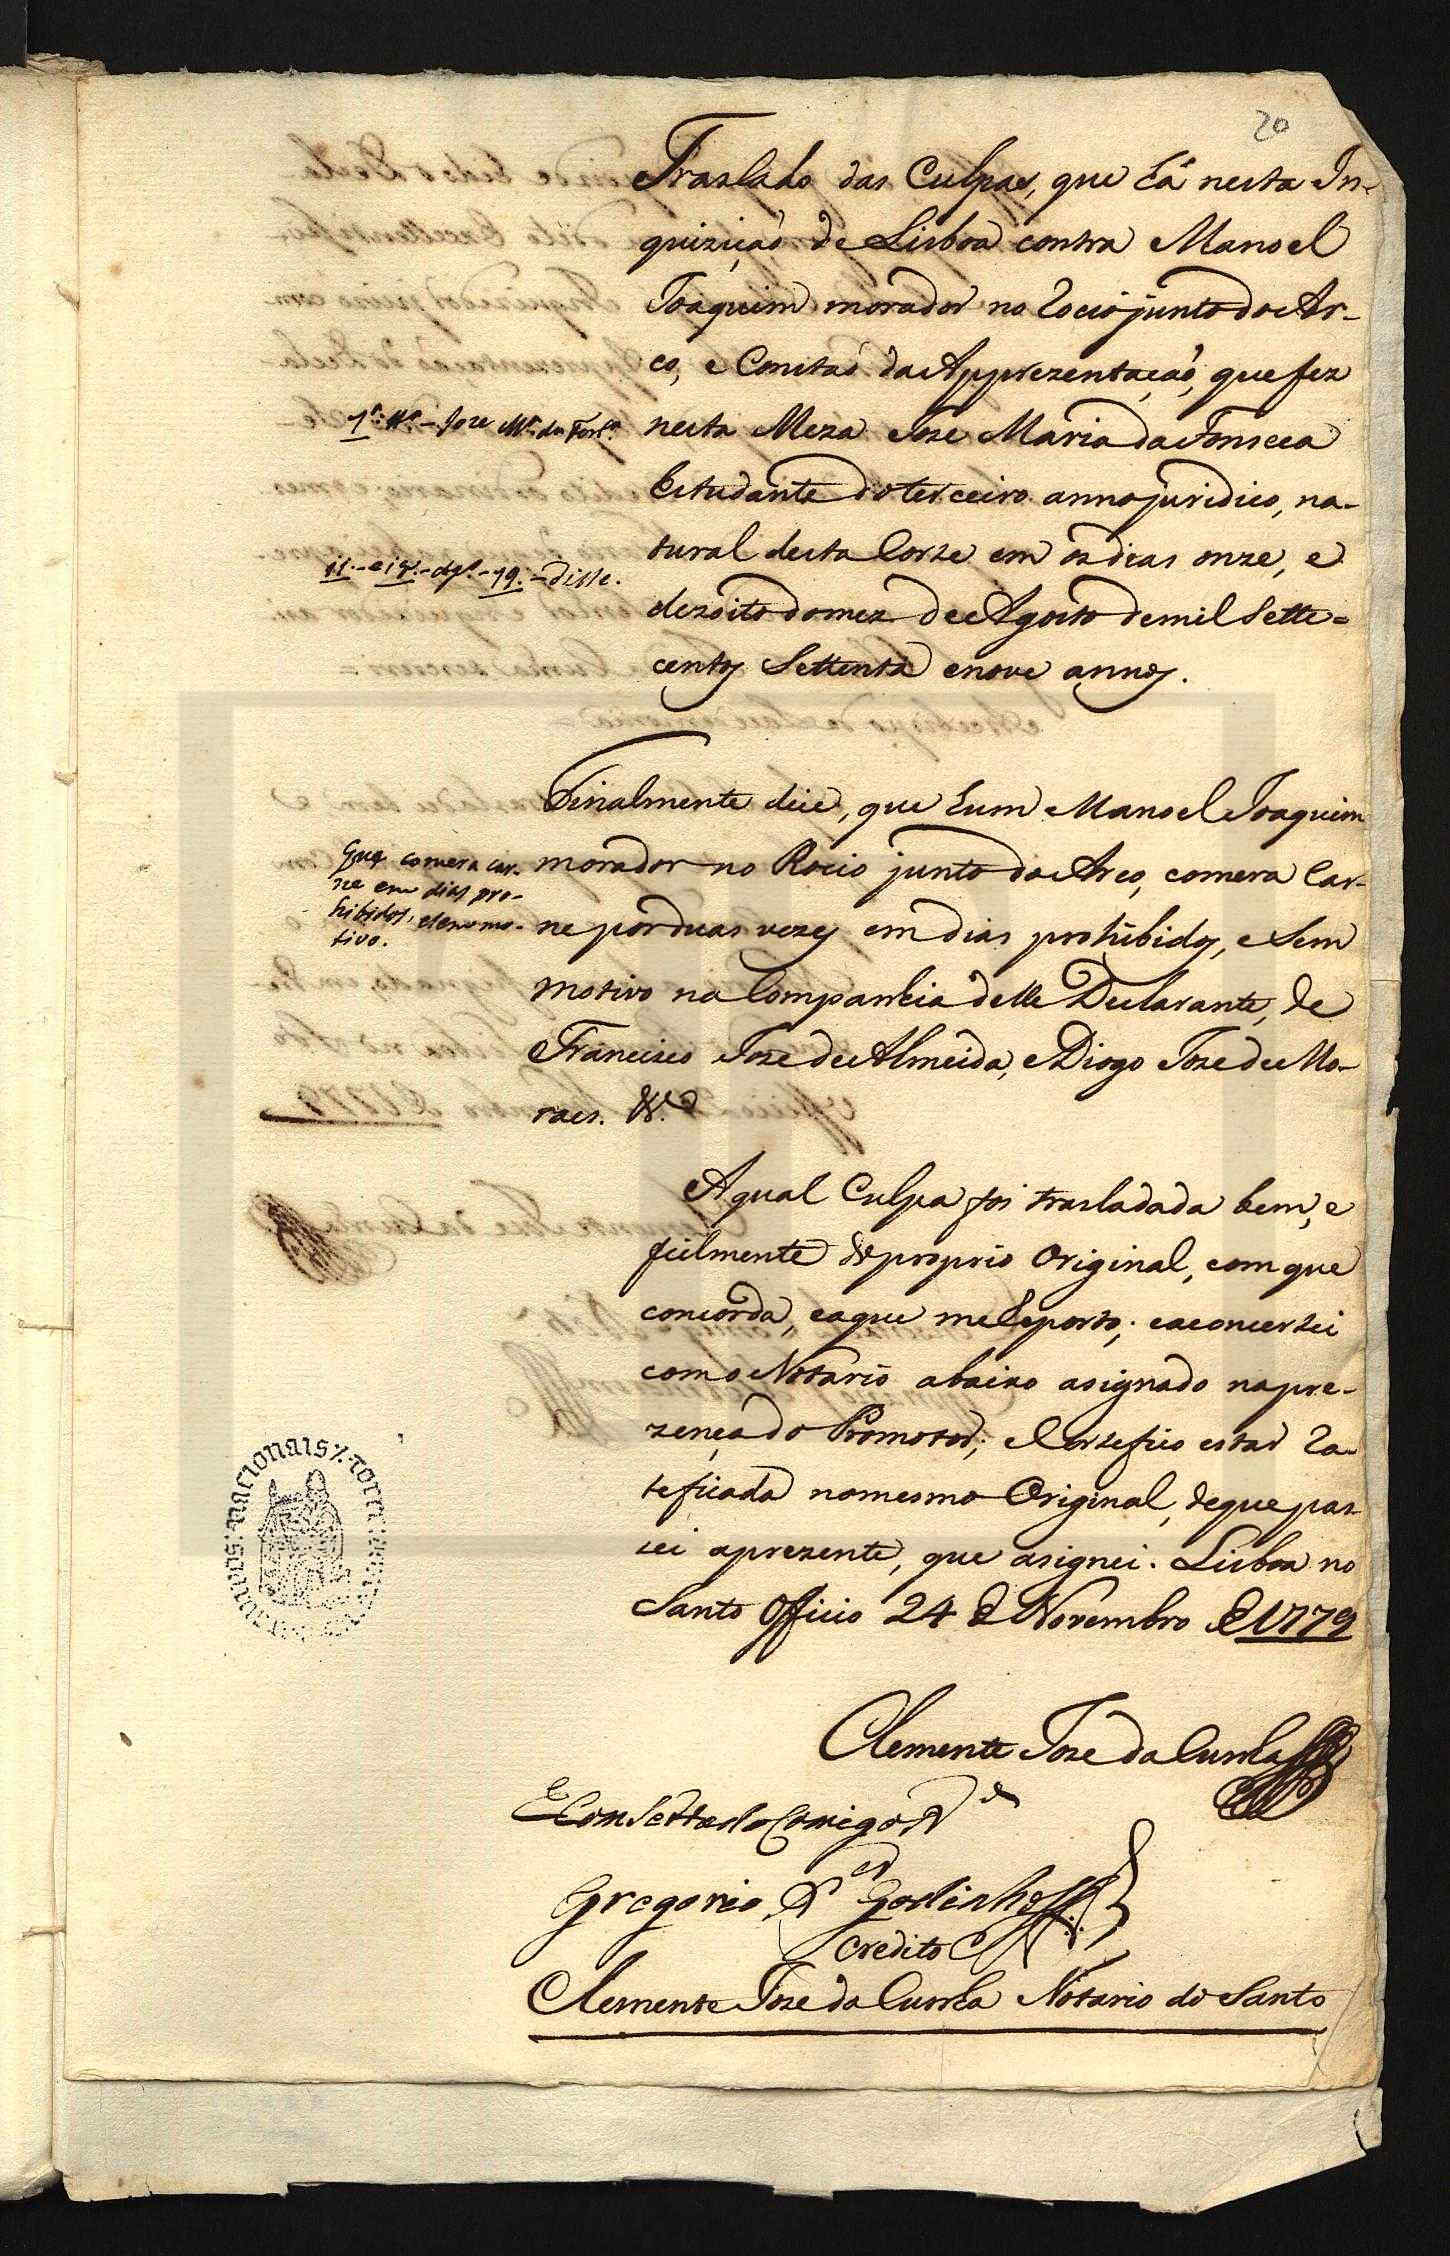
Traslado das Culpas, que há nesta In
quiziçaõ de Lisboa contra Manoel
Ioaquim morador no Rocio junto do Ar
co, e Constaõ da Apprezentaçaõ, que fez
1.a tt.a - Ioze M.a da Fon.ca
nesta Meza Ioze Maria da Fonseca
Estudante do terceiro anno juridico, na
tural desta Corte em os dias onze, e
i1 e i8.- Ag.o -19.-disse.
dezoito do mez de Agosto de mil Sette
centos Settenta e nove annos.
Finalmente dice, que hum Manoel Ioaquim
morador no Rocio junto do Arco, comera Car
Que comera car
ne em dias pro
hibidos, e sem mo
tivo
ne por duas vezes em dias prohibidos, e Sem
motivo na Companhia delle Declarante, de
Francisco Ioze de Almeida, e Diogo Ioze de Mo
raes. &r.
A qual Culpa foi trasladada bem, e
fielmente do proprio original, com que
concorda, e a que me Reporto; e a concertei
com o Notario abaixo asignado na pre
zença do Promotor; e Certifico estar Ra
teficada no mesmo Original, de que pas
sei a prezente, que asignei. Lisboa no
Santo Officio 24 d̄ Novembro d̄ 1779
Clemente Ioze da Cunha
E Comsertado Comigo No
Gregorio A Godinho
credito
Clemente Ioze da Cunha Notario do Santo
